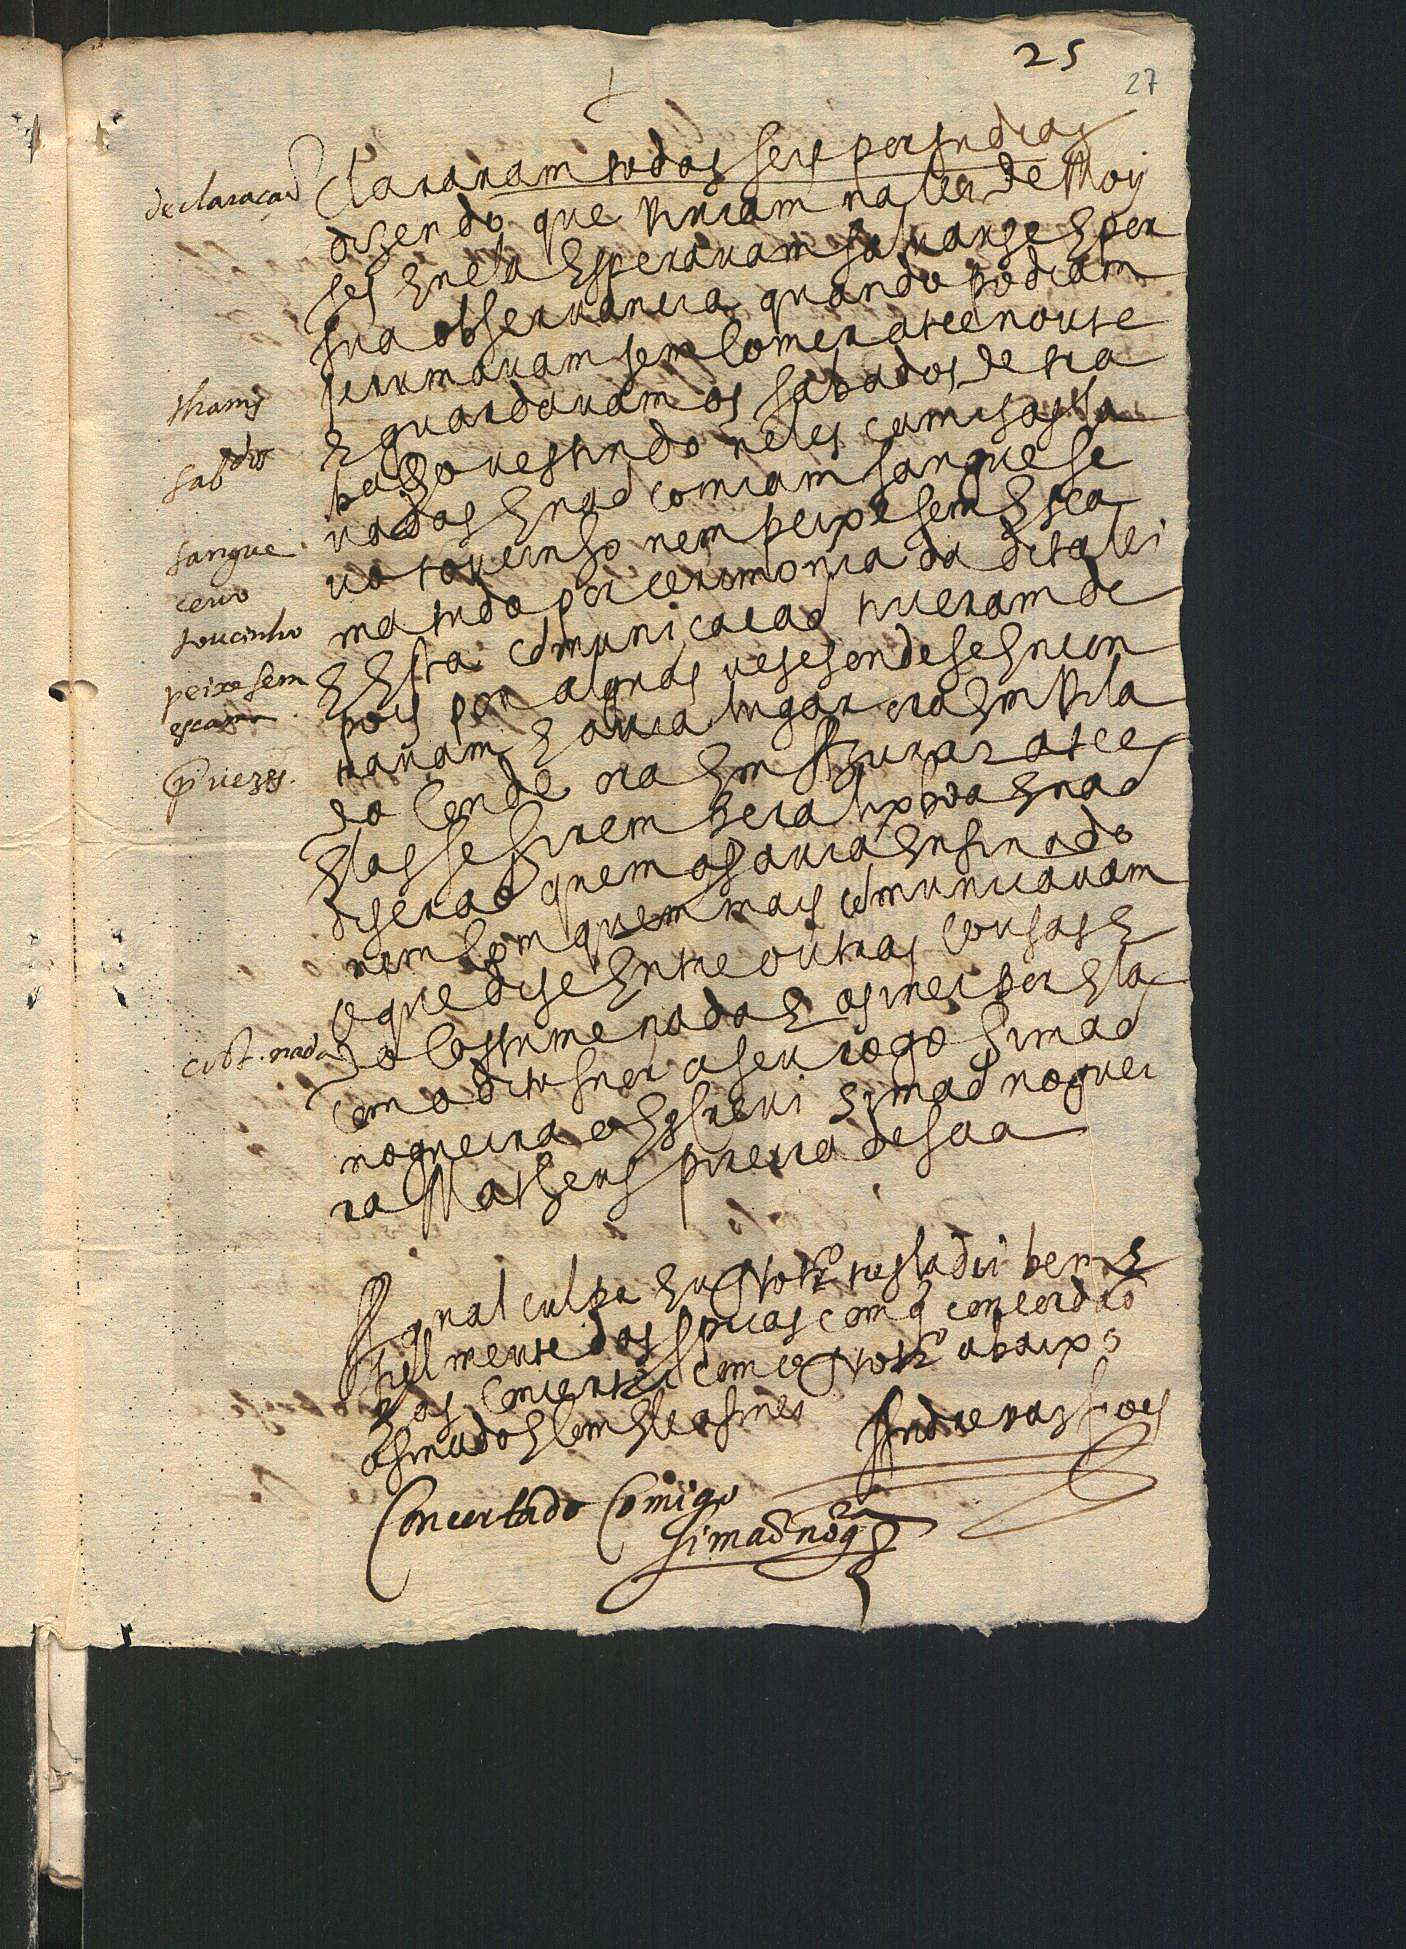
clararam todas seis per judias
dizendo que viuiam na lei de Moy
ses E nela Esperauam saluarse E por
sua obseruancia quando podiam
jeiumauam sem Comer atee noute
E guardauam os sabados de tra
balho uestindo neles camisas la
uadas E naõ comiam sangue se
uo toucinho nem peixe sem Esca
ma tudo por cerimonia da dita lei
E Esta cōmunicacaõ tiueram de
pois por alguās ueses onde se Encon
trauam E auia lugar ora Em Vila
do Conde ora Em Azurar atee
Elas se hirem pera lixboa E naõ
diseraõ quem a hauia Ensinado
nem Com quem mais cōmunicauam
o que dise Entre outras cousas E
do Costume nada E asinei por Ela
com o dito snor̄ a seu rogo Simaõ
nogueira o EsCreui Simaõ noguei
ra Matheus pireira de saa
A qual culpa Eu Notro tresladei bem E
fielmente das ꝓprias com q̄ concordaõ
E as Concertei com o Notro abaixo
asinado E Com Ele asinei
Concertado Comigo
declaraçaõ
thanis
sabdos
sangue
ceuo
toucinho
peixe sem
escama.
ꝓ uezes.
cust. nada
